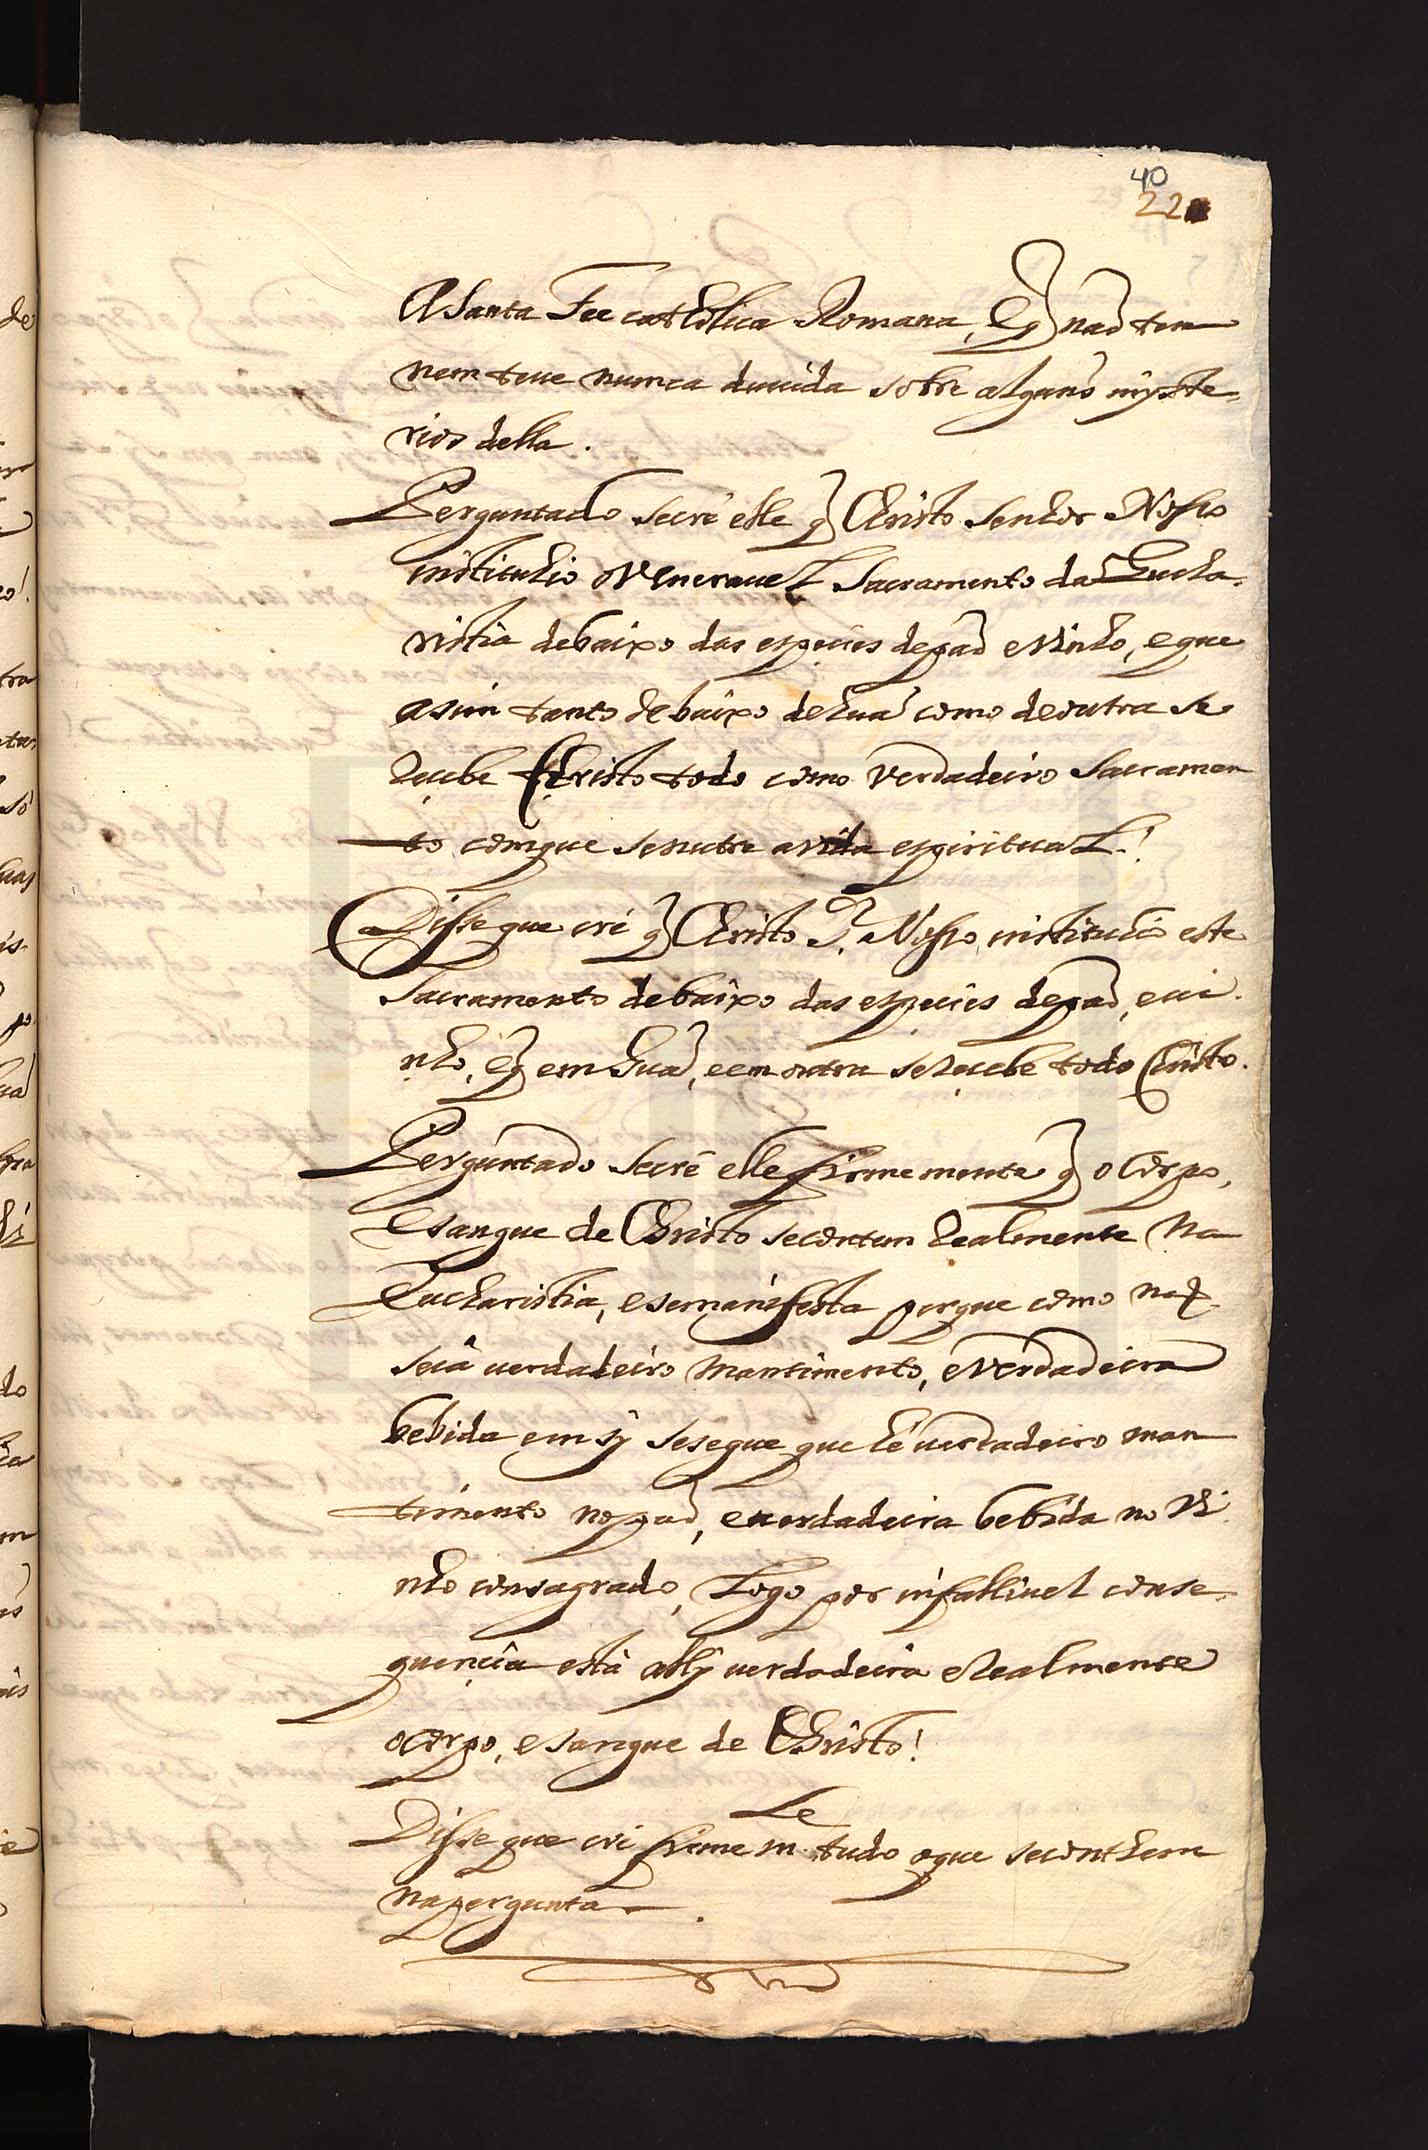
A Santa Fee catholica Romana, E q̄ naõ tem
nem teue numca duuida sobre alguns myste
rios della.
Perguntado se cré elle q̄ Christo Senhor Nosso
instituhio o veneraueL Sacramento da Eucha
ristia debaixo das espeçies de paõ e vinho, e que
asim tanto debaixo de huā como de outra se
Reçebe Christo todo como verdadeiro Sacramen
to com que se nutre a vida espirituaL?
Disse que cré q̄ Christo s.or Nosso instituhio este
Sacramento debaixo das espeçies de paõ, e ui
nho, e q̄ em huā, e em outra se reçebe todo Christo.
Perguntado se cré elle firmemente q̄ o corpo,
e sangue de Christo se contem Realmente na
Eucharistia, e se manifesta porque como naõ
será uerdadeiro mantimento, e verdadeira
bebida em sy se segue que hé uerdadeiro man
timento no paõ, e uerdadeira bebida no vi
nho consagrado, Logo por infalliueL conse
quençia está ally uerdadeira e Realmente
o corpo, e sangue de Christo?
Disse que cré firmem.te tudo o que se conthem
na pergunta - .
